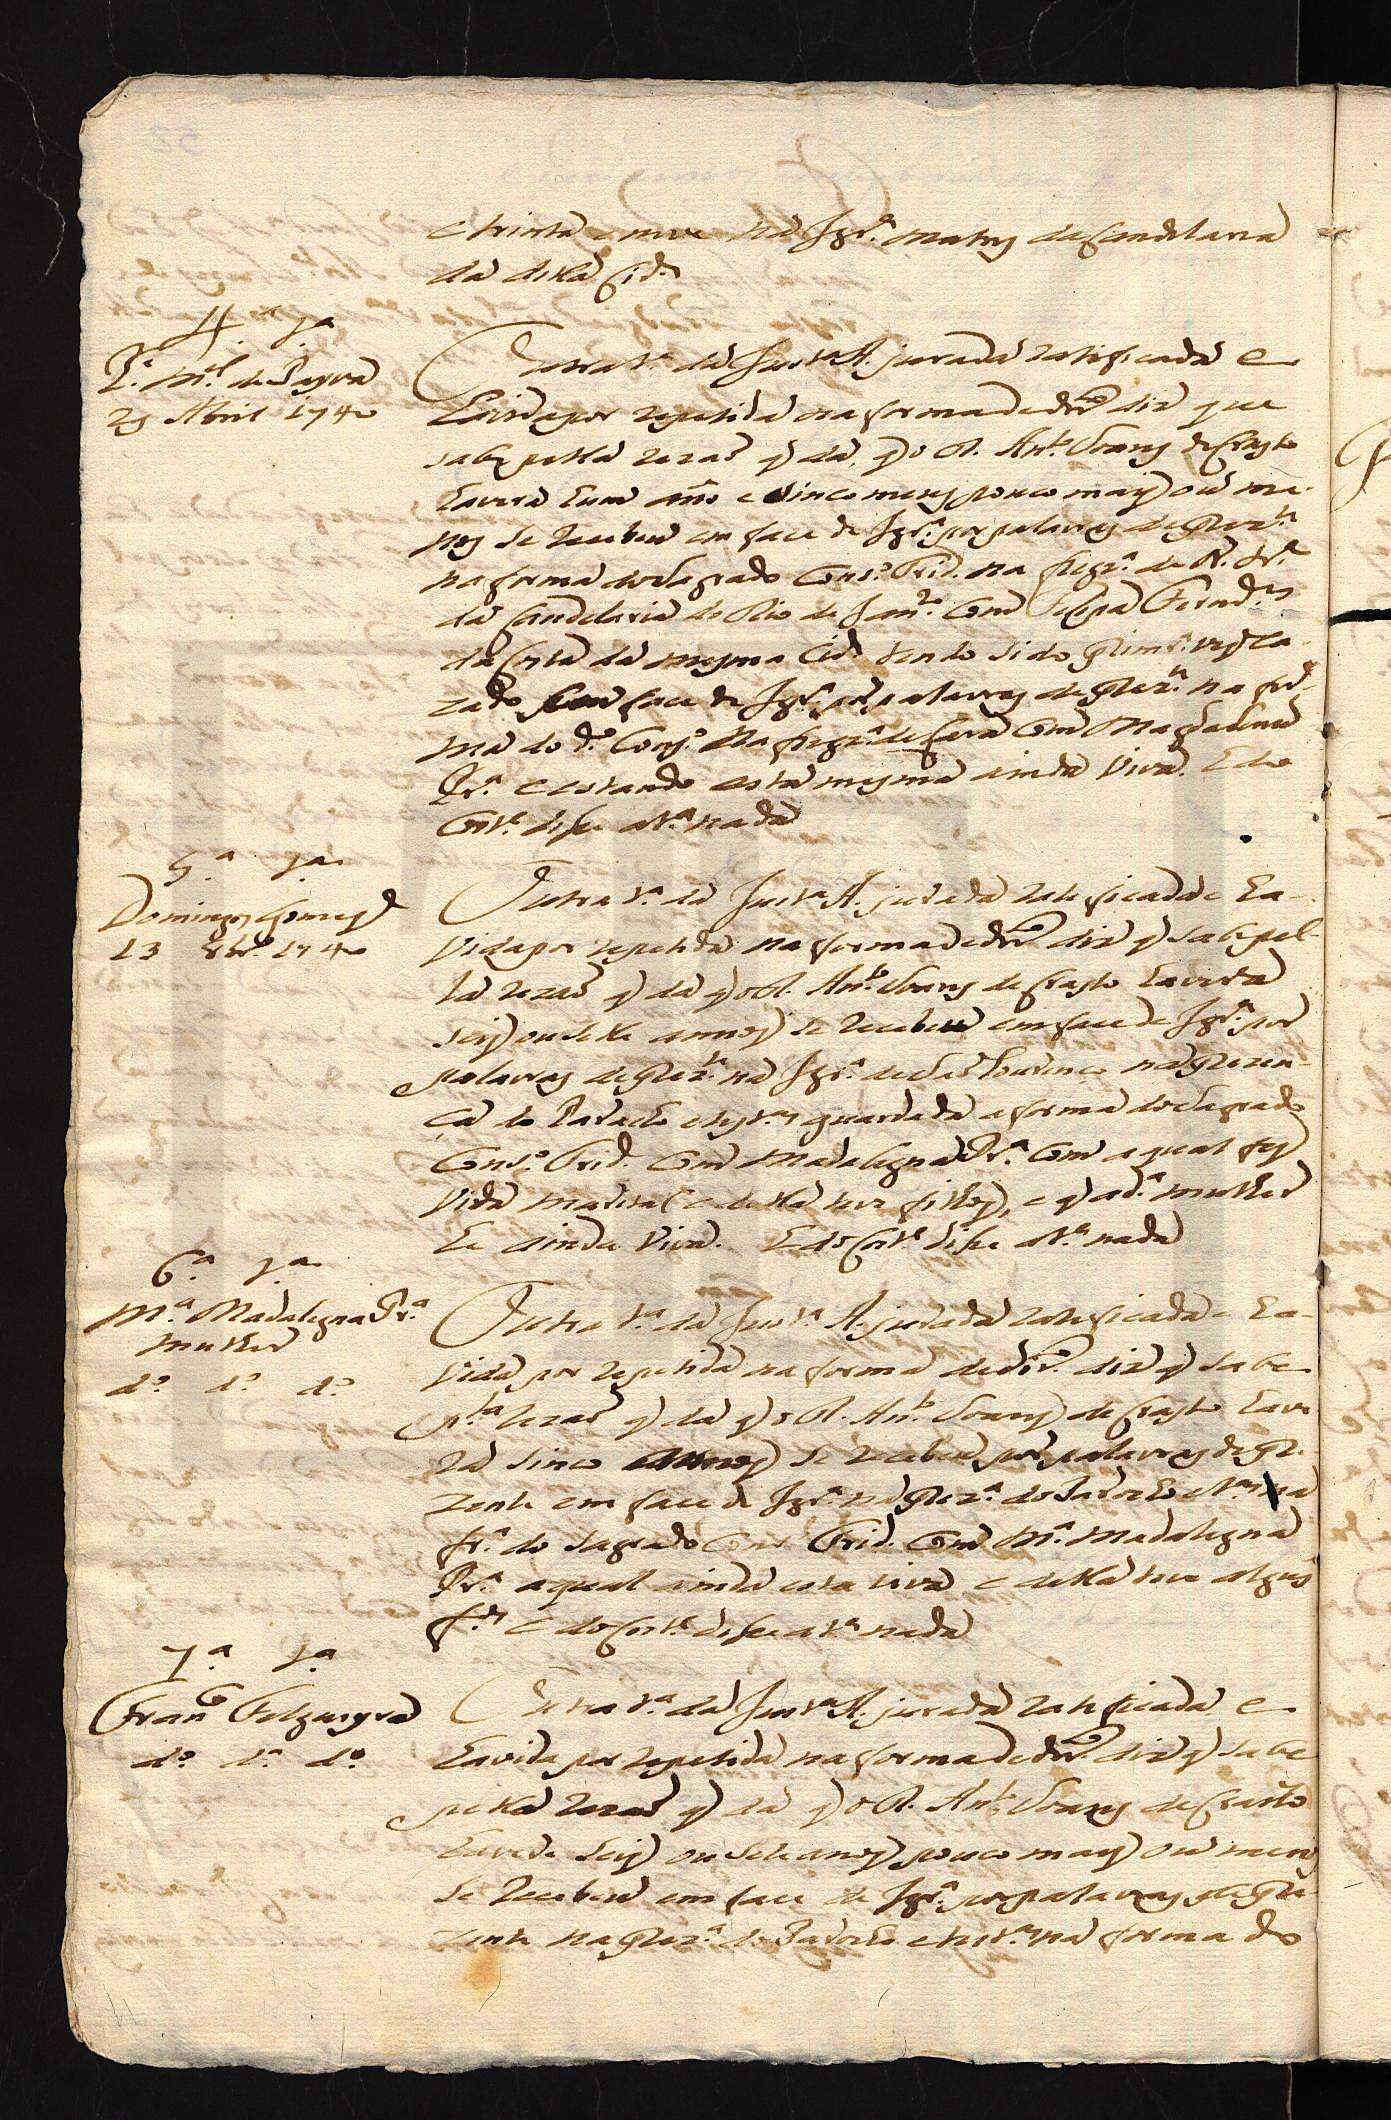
e trinta, e nove na Jgr.a matris da Candelaria
da ditta Cid.e
Outra t.a da Justa A. jurada ratificada e
havida por repetida na forma de drto diz que
sabe pella Razaõ q̄ da, q̄ o R. An.to Soares de Crasto
4.a t.a
Pe. M.el de Payva
29 Abril i740
havera hum ano e sinco mezes pouco mais ou me
nos se Recebeu em face da Igr.a por palavas de prez.te
na forma do Sagrado Cons.o Trid. na fregz.a de N. Sr.a
da Candelaria do Rio de Jan.ro Com Filipa Fernd.es
da Costa da mesma cid.e tendo sido pRimr.a ves ca
zado em face de Jgr.a por palavras de pRez.te na for
ma do d.o Cons.o na fregz.a de fora com Magdalena
Pr.a e estando esta mesma ainda viva. E do
Cost.e disse a t.a nada
Outra t.a da Justa A. jurada Rateficada E a
vida por Repetida na forma de drto diz q̄ sabe pel
la Rezaõ q̄ da q̄ o R. An.to Soares de Crasto havera
seis ou sette annos se Recebeu em face de Jgr.a por
palavras de prez.te na Jgr.a de Saõ Lourenço na prezen
Ça do Paracho e test.as guardada a forma do Sagrado
Cons.o Trid.o com Madalegna Pr.a com a qual fes
Vida marital e della teue filhos, e q̄ a d.a mulher
he ainda Viva. E do Cost.e disse a t.a nada
5.a t.a
Domingos Gomes
13 8br.o 1740
6.a t.a
Outra t.a da Just.a A. jurada rateficada e ha
M.a Madalegna Pr.a
mulher
vida por Repetida na forma de dir.to diz q̄ sabe
d.o d.o d.o
p.la Rezaõ q̄ da q̄ o R. An.to Soares de Crasto have
ra sinco annos se Recebeu por palavras de pRe
zente em face de Jgr.a na pRez.a do Parocho e t.as na
fr.a do sagrado Cons Trid. com m.a madalegna
Pr.a a qual ainda esta viva e della teve algus̄
f.os e do Cost.e disse a t.a nada
7.a t.a
Franco Felgueyra
d.o d.o d.o
Outra t.a da Just.a A. jurada rateficada, e
havida por repetida na forma de dir.to diz q̄ sabe
pella Rezaõ q̄ da q̄ o R. Anto Soares de Crasto
havido seis ou sete anos pouco mais ou menos
se Recebeu em face de Jgr.a por palavras de pRe
zente na pRez.a do Parocho e test.as na forma do
